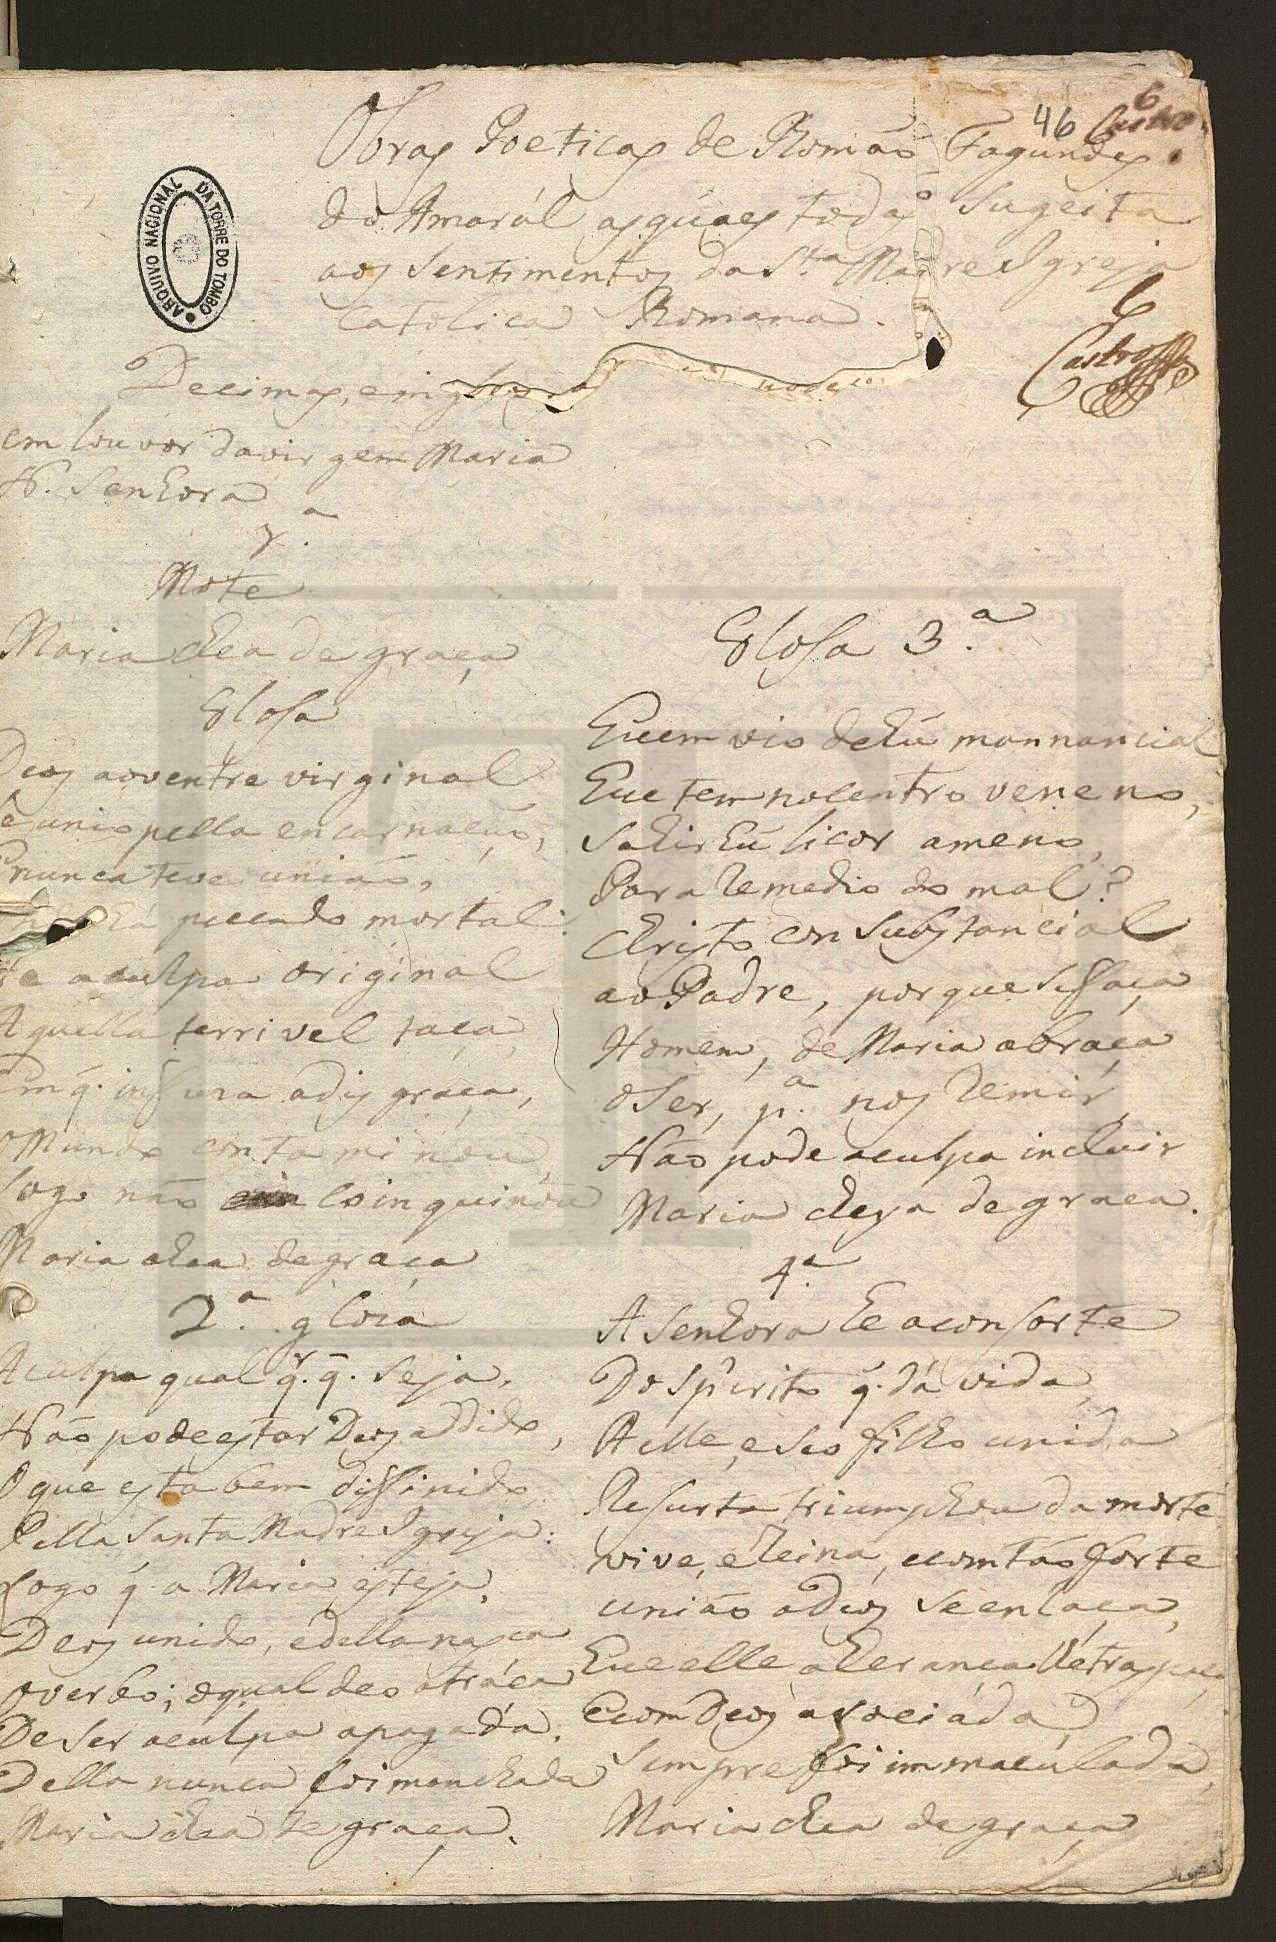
Obras Poeticas de Romaõ Fagundes o
do Amarál, as quaes todas sugeita
aos Sentimentos da S.ta Ma_re Igreja
Catolica Romana
Decimas em ___
em louvor da virgem Maria
N.a Senhora
1.a
Mote
Maria chea de graça
Glosa
Deos ao ventre virginal
e unio pella encarnaçaõ,
nunca teve uniaõ,
___
há peccado mortal
He a culpa original
Aquella terrivel taça
Em q̄ infuza a disgraça
O Mundo contaminou
logo não
__ coinquinou
Maria chea de graça
2a gloza
A culpa qualq.r q̄. seja
Naõ pode estar Deos addido,
O que esta bem diffinido
Pella Santa Madre Igreja:
Logo q̄ a Maria esteja,
Deos unido, e della nasça
o verbo; o qual deo a tráça
De ser a culpa apagada;
Della nunca foi manchada
Maria chea de graça.
Glosa 3.a
Quem vio de hū mannancial
Que tem no centro veneno,
Sahir hū licor ameno
Para Remedio do mal?
Christo consubstancial
ao Padre, porque se faça
Homem, de Maria abraça
o Ser, p.a nos Remir
Não pode a culpa incluir
Maria cheya de graca.
4.a
A Senhora he a consorte
Do Spirito q̄. dá vida
A elle, e Seo filho unido
Resurta triumphou da morte
vive, e reina, e com taõ forte
uniaõ a Deos se enlaça,
Que elle a herança lhe traspaça
E com Deos asociada,
Sempre foi immaculada
Maria chea de graça
